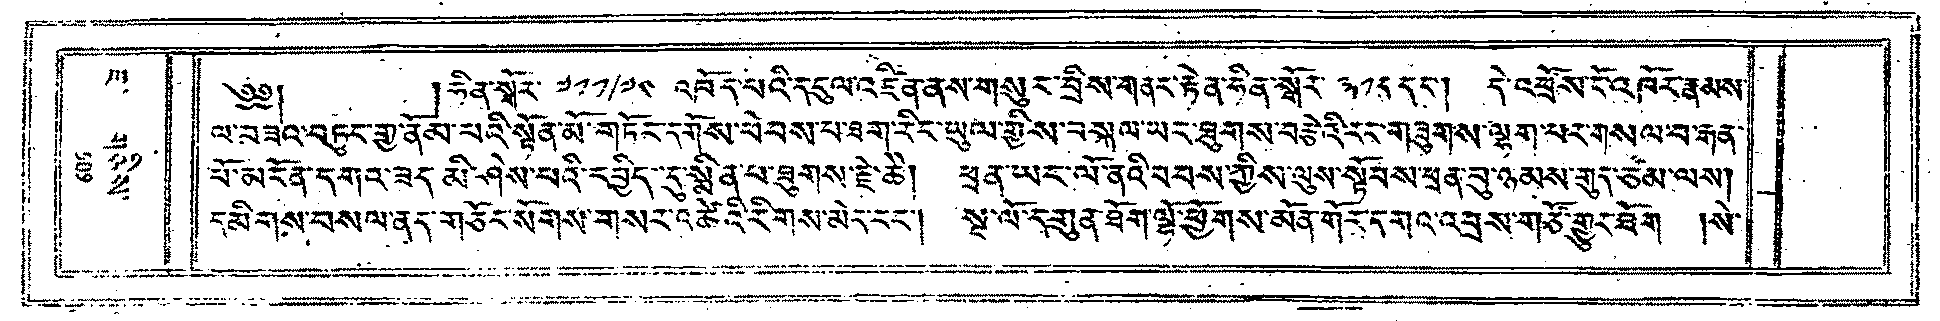༄༅། །ཧིན་སྒོར ༧༡༡༧༤་འཁོད་པའི་དངུལ་འཛིན་ནས་གསུང་བྲིས་གནང་རྟེན་ཧིན་སྒོར ༣༡༨་དང་། དེ་འཕྲོས་ངོ་འཁོར་རྣམས་
ལ་བཟའ་བཏུང་གྱ་ནོམ་པའི་སྟོན་མོ་གཏོང་དགོས་ཕེབས་པ་ཐག་རིང་ཡུལ་གྱིས་བསྐལ་ཡང་ཐུགས་བརྩེའི་རང་གཟུགས་ལྷག་པར་གསལ་བ་རྒན་
པོ་མངོན་དགའ་ཟད་མི་ཤེས་པའི་དཔྱིད་དུ་སྨིན་པ་ཐུགས་རྗེ་ཆཻ། ཕྲན་ཡང་ལོ་ནའི་བབས་ཀྱིས་ལུས་སྟོབས་ཕྲན་བུ་ཉམས་གུད་ཙམ་ལས།
དམིགས་བསལ་ནད་གཅོང་སོགས་གསར་འཚེའི་རིགས་མེད་དང་། སྔ་ལོ་དགུན་ཐོག་ལྷོ་ཕྱོགས་མོན་གོར་དགའ་འབྲས་གཙོ་གྱུར་ཐོག །སེ་